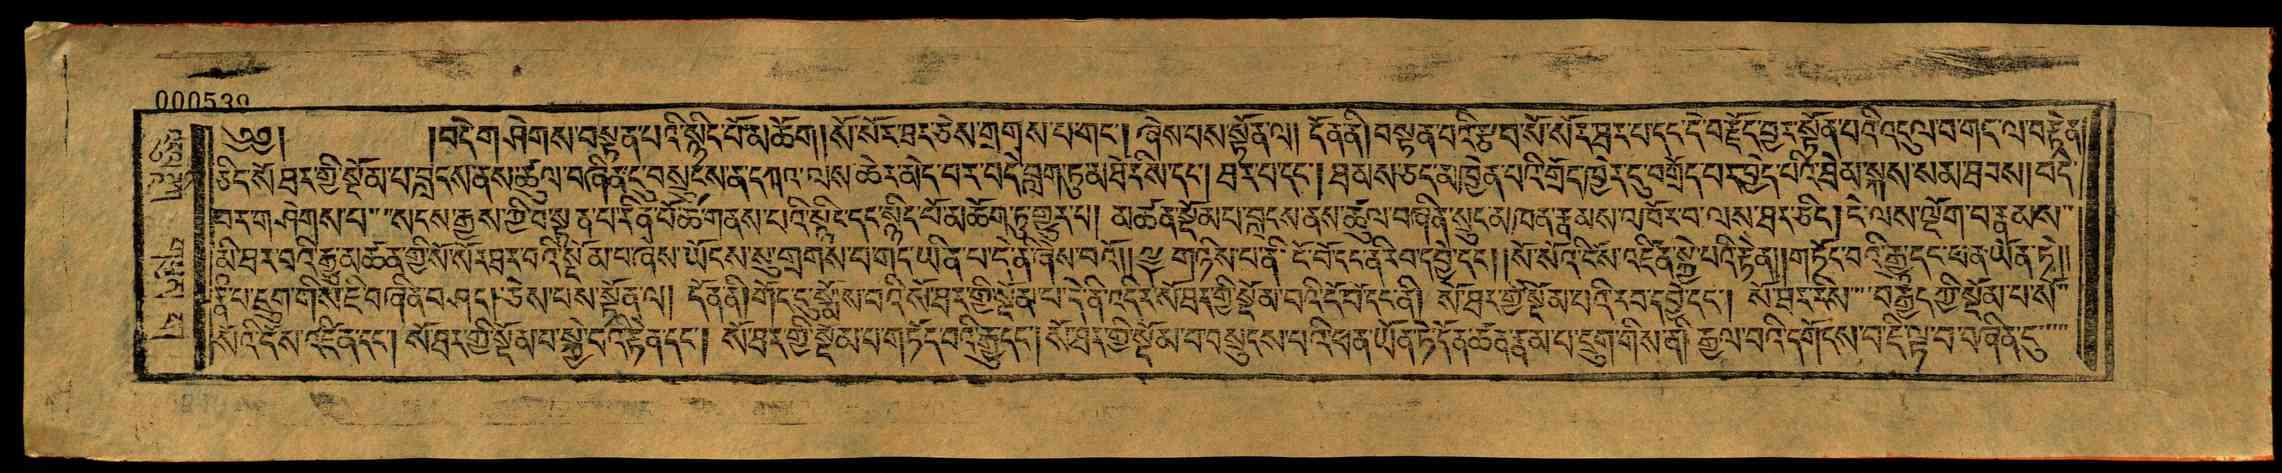༄༅། །བདེ་གཤེགས་བསྟན་པའི་སྙིང་པོ་མཆོག །སོ་སོར་ཐར་ཅེས་གྲགས་པ་གང་། ཞེས་པས་སྟོན་ལ། དོན་ནི། བསྟན་པའི་རྩ་བ་སོ་སོར་ཐར་པ་དང་དེ་བརྗོད་བྱར་སྟོན་པའི་འདུལ་བ་གང་ལ་བརྟེན་
ཅིང་སོ་ཐར་གྱི་སྡོམ་པ་བླངས་ནས་ཚུལ་བཞིན་དུ་བསྲུངས་ན་དཀའ་ལས་ཆེར་མེད་པར་བདེ་བླག་ཏུ་མཐོ་རིས་དང་། ཐར་པ་དང་། ཐམས་ཅད་མཁྱེན་པའི་གྲོང་ཁྱེར་དུ་བགྲོད་པར་བྱེད་པའི་ཐེམ་སྐས་སམ་ཐབས། བདེ་
བར་གཤེགས་པ་སངས་རྒྱས་ཀྱི་བསྟན་པ་རིན་པོ་ཆེ་གནས་པའི་སྙིང་དང་སྙིང་པོ་མཆོག་ཏུ་གྱུར་པ། མཚན་སྡོམ་པ་བླངས་ནས་ཚུལ་བཞིན་སྲུང་མཁན་རྣམས་འཁོར་བ་ལས་ཐར་ཅིང་། དེ་ལས་ལྡོག་པ་རྣམས་
མི་ཐར་བའི་རྒྱུ་མཚན་གྱི་སོ་སོར་ཐར་པའི་སྡོམ་པ་ཞེས་ཡོངས་སུ་གྲགས་པ་གང་ཡིན་པ་དེ་ནི་ཞེས་པའོ།། ༈ གཉིས་པ་ནི། ངོ་བོ་དང་ནི་རབ་དབྱེ་དང་། །སོ་སོའི་ངོས་འཛིན་སྐྱེ་བའི་རྟེན། །གཏོང་བའི་རྒྱུ་དང་ཕན་ཡོན་ཏེ། །
རྣམ་པ་དྲུག་གིས་ཇི་བཞིན་བཤད། ཅེས་པས་སྟོན་ལ། དོན་ནི། གོང་དུ་སྨོས་པའི་སོ་ཐར་གྱི་སྡོམ་པ་དེ་ནི་འདིར་སོ་ཐར་གྱི་སྡོམ་པའི་ངོ་བོ་དང་ནི། སོ་ཐར་གྱི་སྡོམ་པའི་རབ་དབྱེ་དང་། སོ་ཐར་རིས་བརྒྱད་ཀྱི་སྡོམ་པ་སོ་
སོའི་ངོས་འཛིན་དང་། སོ་ཐར་གྱི་སྡོམ་པ་སྐྱེ་བའི་རྟེན་དང་། སོ་ཐར་གྱི་སྡོམ་པ་གཏོང་བའི་རྒྱུ་དང་། སོ་ཐར་གྱི་སྡོམ་པ་བསྲུངས་པའི་ཕན་ཡོན་ཏེ་དོན་ཚན་རྣམ་པ་དྲུག་གིས་ནི། རྒྱལ་བའི་དགོངས་པ་ཇི་ལྟ་བ་བཞིན་དུ་